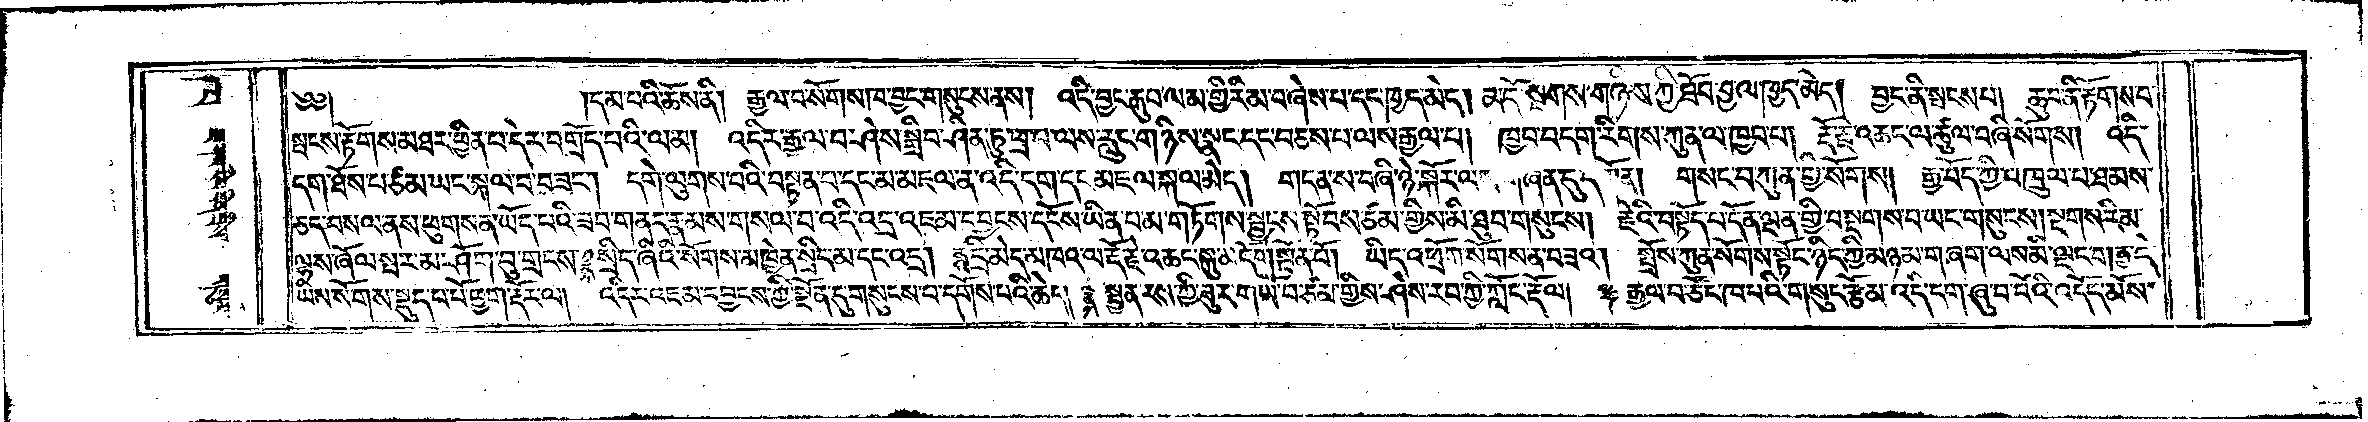༄༅། །དམ་པའི་ཆོས་ནི། རྒྱལ་བ་སོགས་ཁ་བྱང་གསུངས་ནས། འདི་བྱང་རྒུབ་ལམ་གྱི་རིམ་བ་ཞེས་པ་དང་ཁྱད་མེད། མདོ་སྔགས་གཉིས་ཀྱི་ཐོབ་བྱ་ལ་ཁྱད་མེད། བྱང་ནི་སྤངས་པ། ཆུབ་ནི་རྟོགས་པ་
སྤངས་རྟོགས་མཐར་ཕྱིན་པ་དེར་བགྲོད་པའི་ལམ། འདིར་རྒྱལ་བ་ཤེས་སྒྲིབ་ཤིན་ཏུ་ཕྲ་བ་ལས་རླུང་གཉིས་སྣང་དང་བཅས་པ་ལས་རྒྱལ་པ། ཁྱབ་བདག་རིགས་ཀུན་ལ་ཁྱབ་པ། རྡོ་རྗེ་འཆང་ལ་ཚུལ་བཞི་སོགས། འདི་
དག་ཐོས་པ་ཙམ་ཡང་སྐལ་བ་བཟང་། དགེ་ལུགས་པའི་བསྟན་པ་དང་མ་མཇལ་ན་འདི་དག་དང་མཇལ་སྐལ་མེད། གདན་ས་བཞི་ཉེ་སྐོར་ལས་གཞན་དུ་དཀོན། གསང་བ་ཀུན་གྱི་སོགས། རྒྱ་བོད་ཀྱི་འཁྲུལ་བ་ཐམས་
ཅད་བསལ་ནས་ཕུགས་ན་ཡོད་པའི་ཟབ་གནད་རྣམས་གསལ་བ་འདི་འདྲ་འཇམ་དབྱངས་དངོས་ཡིན་པ་མ་གཏོགས་སྦྱངས་སྟོབས་ཙམ་གྱིས་མི་ཐུབ་གསུངས། རྗེའི་བསྟོད་པ་དོན་ལྡན་གྱི་བསྔགས་པ་ཡང་གསུངས། སྔགས་རིམ་
ལྷས་ཞོལ་སྤར་མ་ཤོག་བུ་གྲངས ༡ན༢་སྲིད་ཞིའི་སོགས་མཁྱེན་སྲིད་མ་དང་འདྲ། ནཱ་དྲི་མེད་མཁའ་ལ་རྡོ་རྗེ་འཆང་སྐུ་མདོག་སྔོན་པོ། ཡིད་འཕྲོག་སོགས་ན་བཟའ། སྤྲོས་ཀུན་སོགས་སྟོང་ཉིད་ཀྱི་མཉམ་གཞག་ལས་མི་ལྡང་བ། ནྱ་དེ་
ཡིས་སོགས་སྡུད་པ་པོ་ཕྱག་རྡོར་ལ། འདིར་འཇམ་དབྱངས་ཀྱི་སྔོན་དུ་གསུངས་བ་དགོས་པའི་ཆེད། ༨ན༡་སྤྱན་རས་ཀྱི་ཟུར་གཡོ་བ་ཙམ་གྱིས་ཤེས་རབ་ཀྱི་ཀློང་རྡོལ། ༈ རྒྱལ་བ་ཙོང་ཁ་པའི་གསུང་རྩོམ་འདི་དག་ཞུ་བ་བོའི་འདོད་མོས་